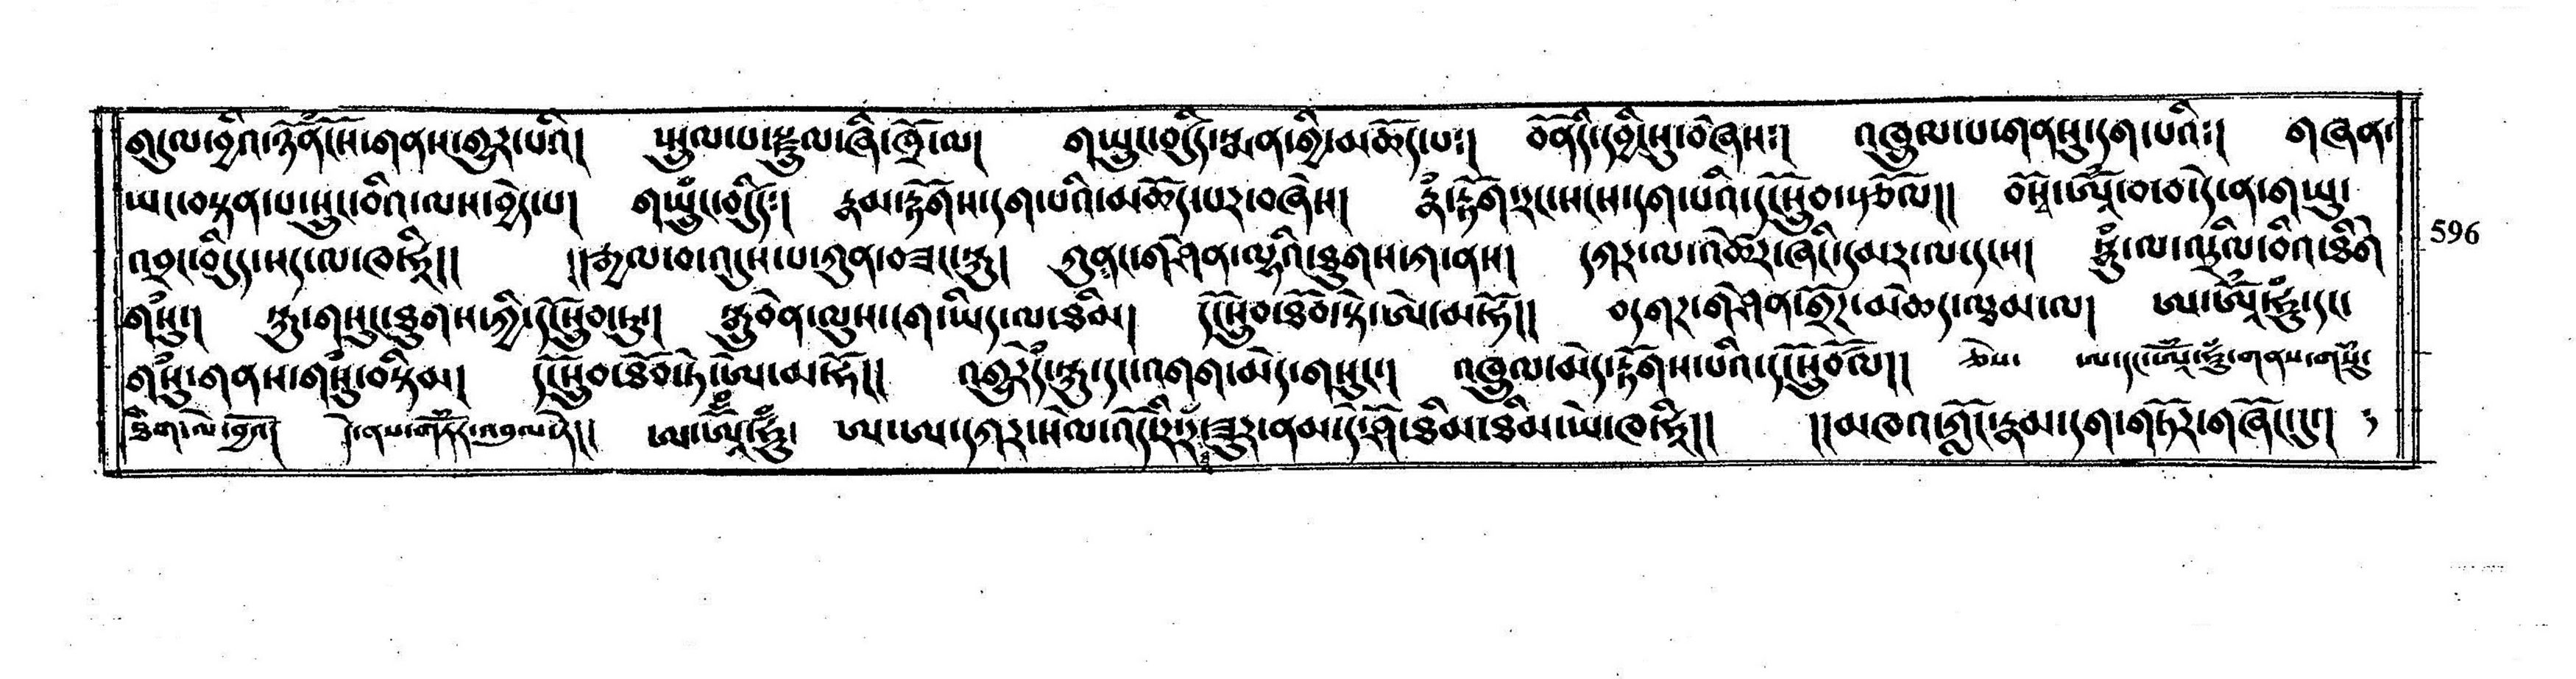གདུལ་བྱའི་ཉོན་མོངས་གནས་གྱུར་པའི། སྤྲུལ་པ་རྫུ་འཕྲུལ་ཞི་ཁྲོ་ལ། གཡུ་འབྲང་བདུད་རྩི་སྨན་གྱི་མཆོད་པ༴། བོན་ཉིད་དབྱིངས་སུ་བཞེས༴། འཁྲུལ་པ་གནས་སུ་དག་པའི༴། གཞན་
ཡང་བསྟན་པ་སྲུང་བའི་ལས་བྱེད་པ། གཡུ་འབྲང་བདུད་རྩི༴། རྣམ་རྟོག་དག་པའི་མཆོད་པར་བཞེས། རྣམ་རྟོག་རང་སངས་དག་པའི་དངོས་གྲུབ་སྩོལ།། བསྭོ་ཨཱོཾ་བ་བ་དེ་ན་གཡུ་
འབྲང་བདུད་རྩི་སད་ལ་ཁ་ཧཱི།། །།རྒྱལ་བ་འདུས་པ་ཀུན་བཟང་སྐུ། ཀུན་བཟང་གཤེན་ལྷའི་ཐུགས་ཀ་ནས། དཀར་ལ་འཚེར་ཞིང་དམར་ལ་དངས། སྣུམ་ལ་འདྲིལ་བའི་ཐིག་
ལེ་གསུམ། སྐུ་གསུང་ཐུགས་ཀྱི་དངོས་གྲུབ་ཏུ། སྒྲུབ་ཆེན་ལུས་ངག་ཡིད་ལ་ཐིམ། དངོས་གྲུབ་ཐོབ་སྟེ་ཨེ་མ་ཧོ།། བདག་ཅག་གཤེན་གྲོགས་མཆེད་ལྕམ་ལ། ཨ་ཨཱོཾ་ཧཱུཾ་དང་
གསུམ་གནས་གསུམ་བསྟིམ། དངོས་གྲུབ་ཐོབ་ཏེ་ཨེ་མ་ཧོ།། འགྱུར་མེད་སྐུ་དང་འགག་མེད་གསུང་། འཁྲུལ་མེད་རྟོགས་པའི་དངོས་གྲུབ་སྩོལ།། ཅེས་ཨ་དང་ཨཱོཾ་ཧཱུཾ་གནས་གསུམ་
ཐིག་ལེ་བྱའོ། དེ་ནས་གཏོར་མ་འབུལ་ཏེ།། ཨ་ཨཱོཾ་ཧཱུྃ། ཨ་ཨ་དཀར་སལེ་འོད་རི་རང་བྲུཾ་ཟུར་ནམ་དེ་ཤོ་ཐིམ་ཐིམ་ཡེ་ཁ་ཧཱི།། །།མཁའ་ཀློང་རྣམ་དག་གཏོར་གཞོང་དུ།